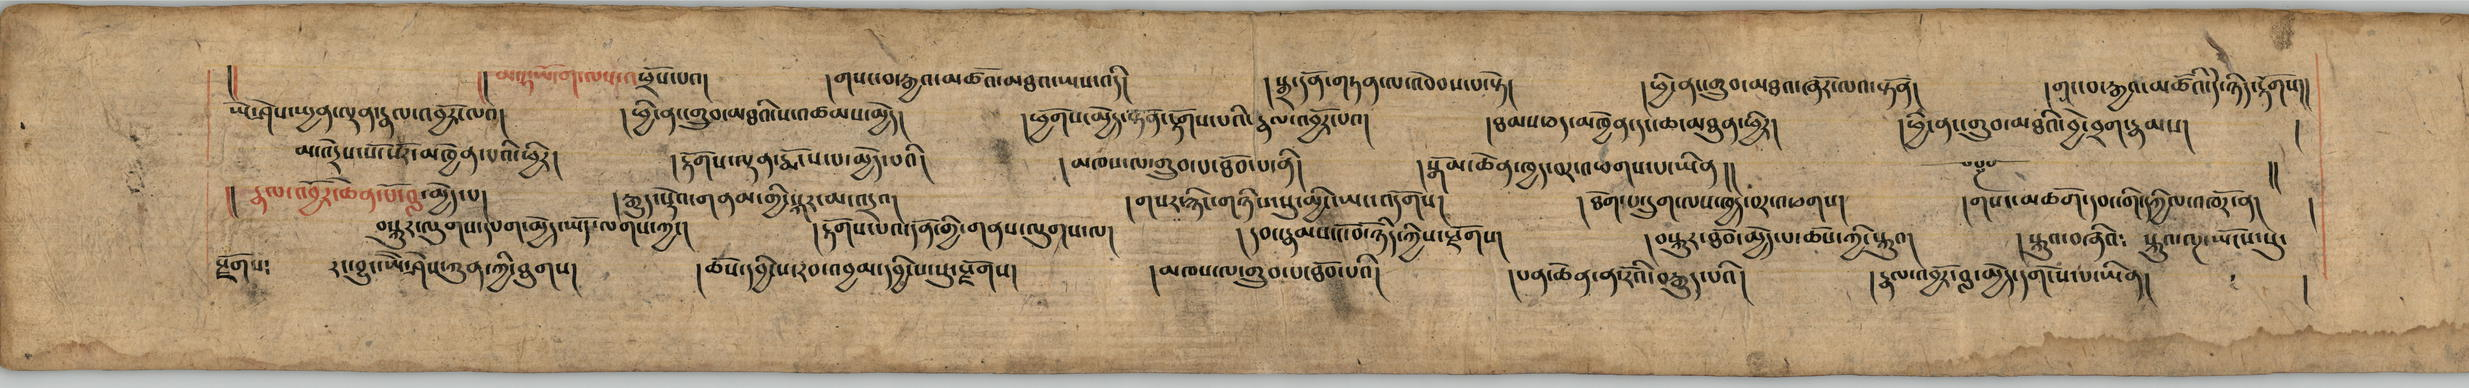།།མ་ཧ་ཡོ་ག་ལས་འཕྲོས་པའ། །གསང་བ་རྒྱའ་མཚོའ་མཐའ་ཡས་འདི། །སྒྲ་དོན་གཏན་ལ་འབེབས་པ་སྟེ། །ཕྱི་ནང་གྲུབ་མཐའ་ཞོར་ལའ་སྟོན། །གང་བ་རྒྱའ་མཚོའི་དེ་ཉིད་རྟོགས།།
ཡེ་ཤེས་སྤྱན་ལྡན་རྣལ་འབྱོར་ལའ། འཕྱི་ནང་གྲུབ་མཐའི་ས་འཚམས་མྱེད། །ཕྱོགས་མྱེད་སྟོན་རྟོགས་པའི་རྣལ་འབྱོར་པའ། །ཐམས་ཅད་མཁྱེན་དང་ཆ་མཐུན་ཕྱིར། །ཕྱི་ནང་གྲུབ་མཐའི་བྱེ་བྲག་རྣམས།
མ་འདྲེས་སོ་སོར་མཁྱེན་པའི་ཕྱིར། །རྟོགས་ལྡན་རྨོངས་པ་མྱེད་པའི། །མཁས་ལ་གྲུབ་པ་ཐོབ་པ་ནི། །སྒོམ་ཆེན་ཁྱད་བར་འཕགས་པ་ཡིན།།
།། རྣལ་འབྱོར་ཆེན་པོ་བླ་མྱེད་པ། །རྒྱུད་སྡེའ་གནམ་གྱི་སྐར་མ་འདྲའ། །གསར་རྙིང་གཉིས་སུ་མྱིང་ཡང་འདོགས། །ཐེག་པ་དྲུག་ལས་ཁྱད་པར་འཕགས། །གསང་མཆོག་དབང་གི་དཀྱིལ་འཁོར་ན།
བསྐུར་ལུགས་དཔག་མྱེད་ཡོད་ལགས་ཀྱང། །རྟོགས་པའ་དོན་གྱི་གནས་ལུགས་ལ། །དབང་རྣམས་ངོ་བོ་ཉིད་ཀྱིས་སྫོགས། །བསྐུར་ཐོབ་མྱེད་པ་ཆོས་ཀྱི་སྐུའ། །སྐུའ་བཞིའ༴ སྐུའ་ལྔ་ཡོངས་སུ་
སྫོགས༴ རང་བྱུང་ཡཻ་ཤེས་ཀུན་ཀྱི་ཐུགས། །ཆོས་དབྱིངས་རབ་འབྱམ་དབྱིངས་སུ་སྫོགས། །མཁས་ལ་གྲུབ་པ་ཐོབ་པའི། །པན་ཆེན་ན་རོའི་བརྒྱུད་པའི། །རྣལ་འབྱོར་བླ་མྱེད་དགོངས་པ་ཡིན།